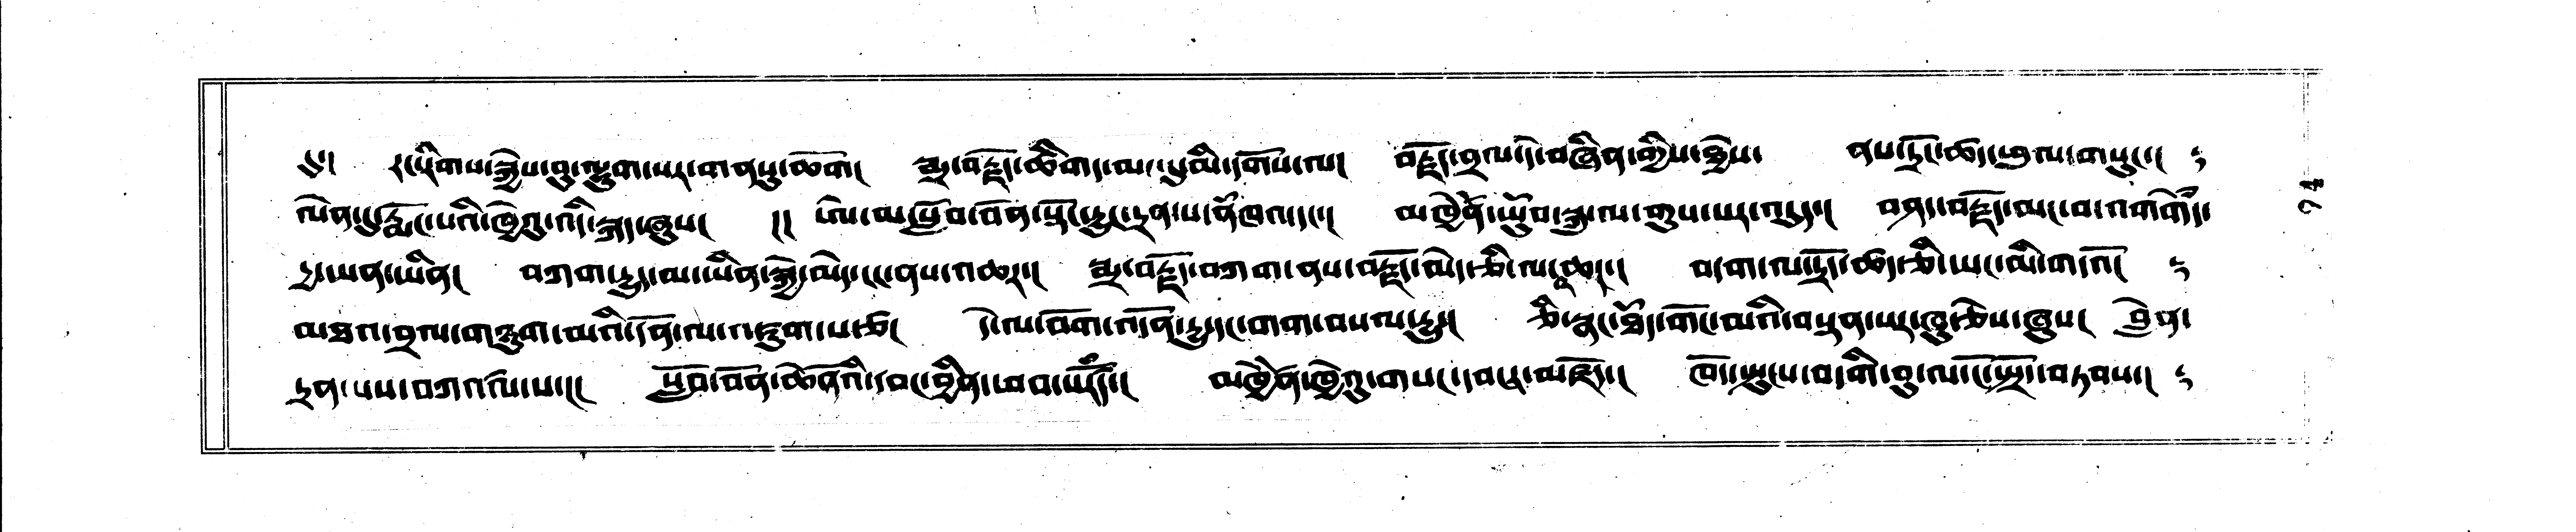ཏུ། རང་རིག་སྐྱེས་བུ་ལྷུག་པར་གནས་སུ་ཆོག སྨྲ་བརྗོད་ཚིག་བཤད་མང་དུ་མི་དགོས་ལ། བརྗོད་བྲལ་དེ་བཞིན་གྱིས་ཐུགས་ རྗེ་ནས་དྲོད་ཚད་ཕུལ་གསུང་། 
ལན་དུ་རྨོངས་པའི་ཁྱེའུ་འདི་སྐད་ཞུས། ཨེ་མ་སློབ་དཔོན་སྟོང་རྒྱུང་དྲན་པ་ནམ་མཁའ་དང་། མཁྱེན་རྩེ་ཡབ་ཡུམ་སྐུ་ལ་གུས་པར་འདུད། བཤད་བརྗོད་མང་བ་འགག་མེད་
རྒྱ་ཡན་ཡིན། བཀག་རྒྱུད་མ་ཡིན་སྐྱེ་མེད་ངང་ནས་འཆར། སྨྲ་བརྗོད་བཀག་ནས་བརྗོད་མེད་ཅི་ལ་འཆར། བདག་ལ་དྲོད་ཚད་ཅི་ཡང་མི་གདའོ། 
མཐའ་བྲལ་གཉུག་མའི་དོན་ལ་འཇུག་པ་ཙ། དེ་ལ་བོགས་འདོན་རྒྱུ་དང་གགས་བསལ་རྒྱུ། ཅི་སྣང་ཐམས་ཅད་གོང་མའི་བསྟན་པར་ཞུ་ཅེས་ཞུས། བླ་ཆེན་
དྲན་པས་བཀའ་སྩལ་པ། སློབ་དཔོན་ཆེན་པོའི་དབང་བྱིན་ཕབ་པར་མཛོད། མཁྱེན་བརྩེ་ཁྱེའུ་གསང་དབང་བསྐུར་མཛོད། ཁོད་སྤུངས་བདག་གི་བུ་ལ་ངོ་སྤྲོད་བཏབ།